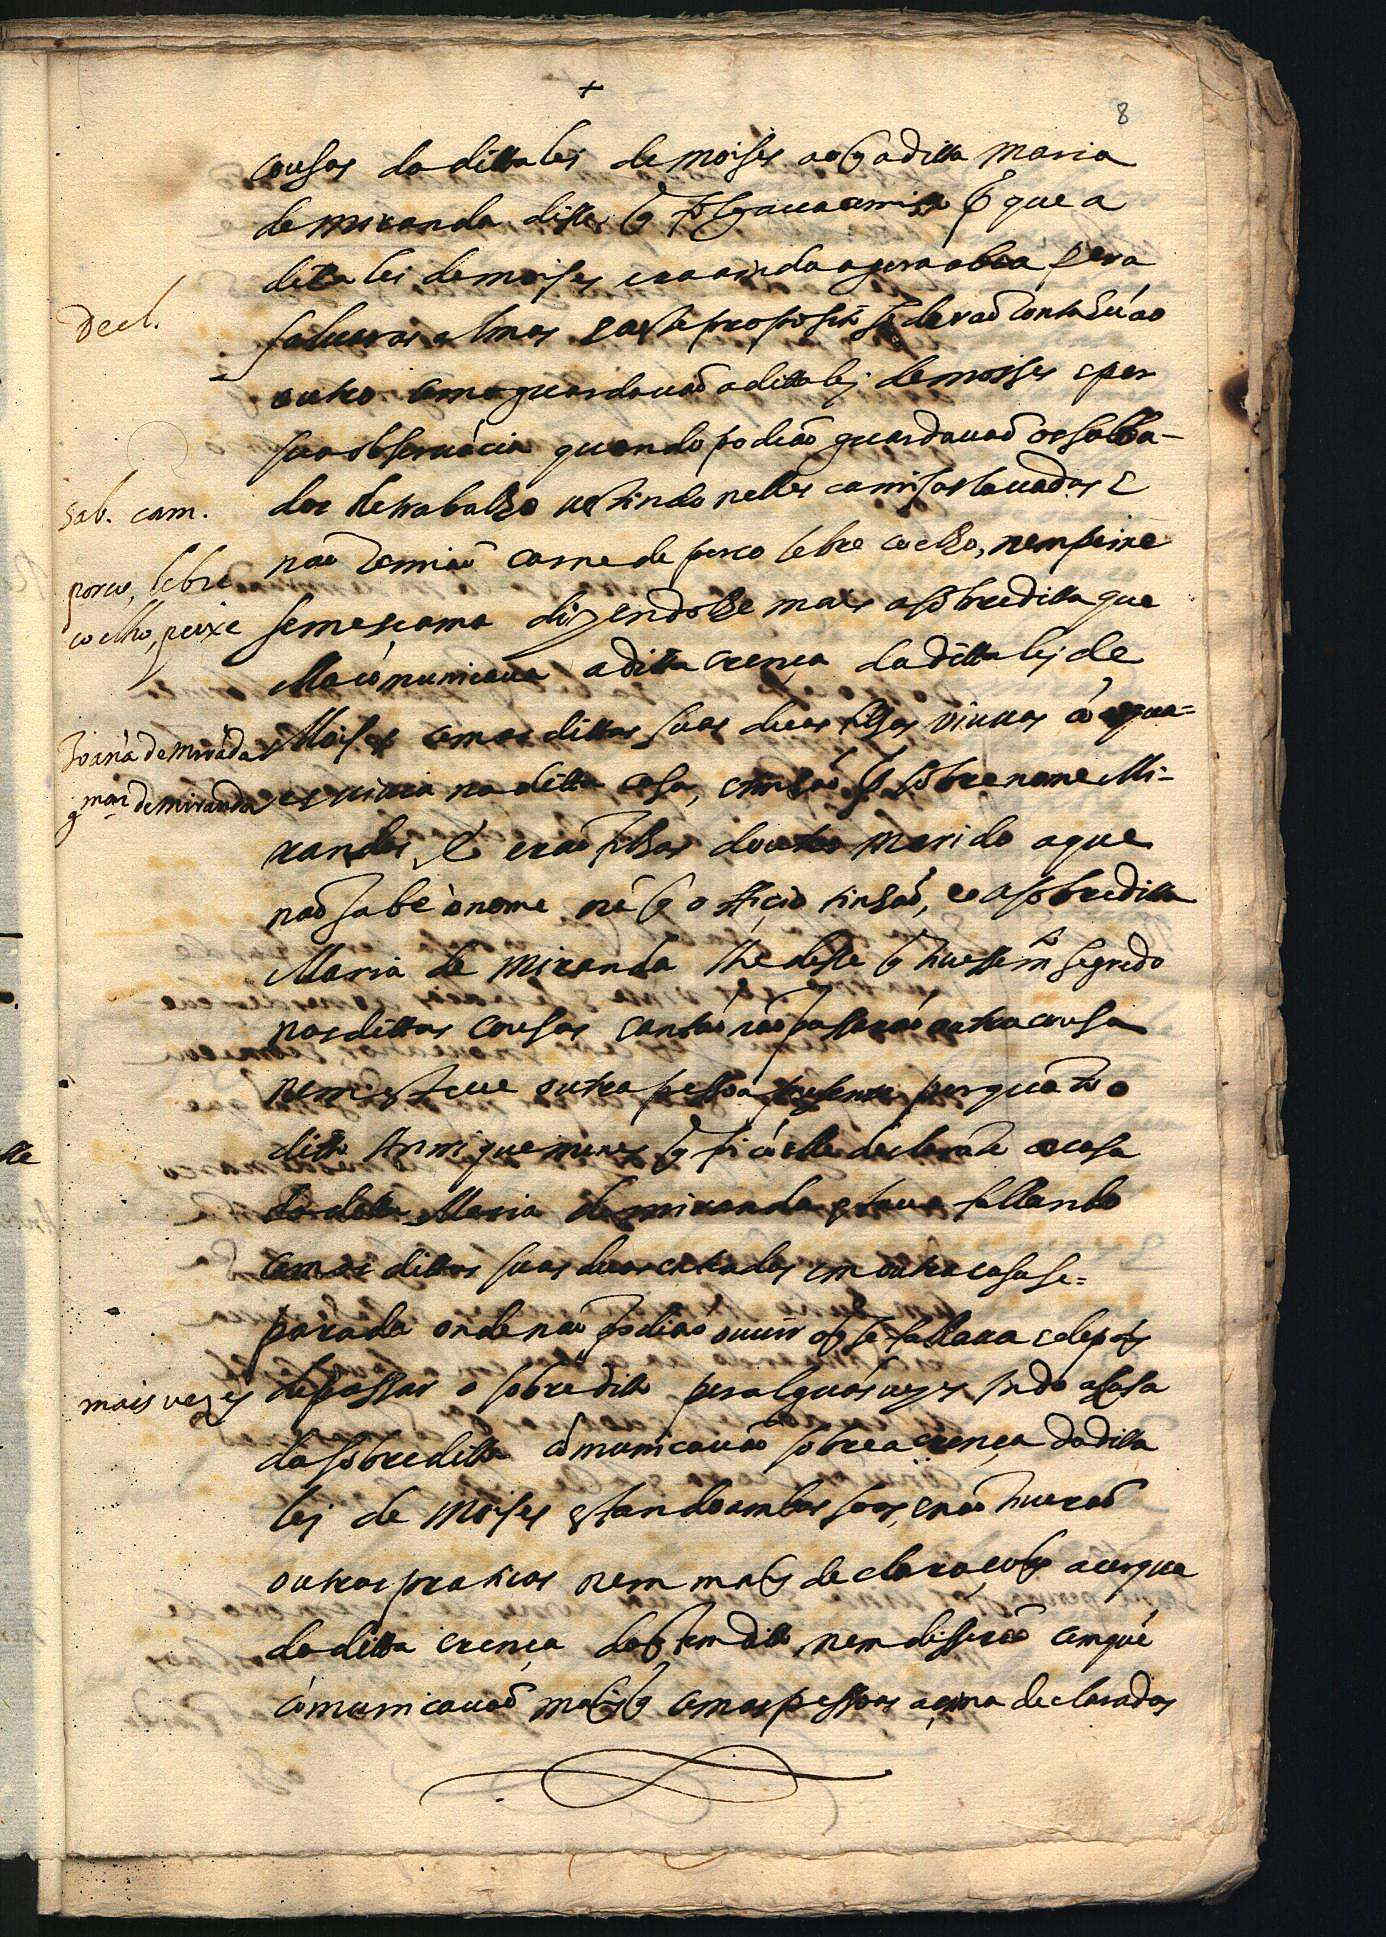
cousas da ditta lej de moises ao q̄ a ditta maria
de miranda disse q̄ folgaua com isso p̄ que a
dita lei de moises era ainda agora a boa pera
saluar as almas E a este proposito se deraõ conta hū ao
outro como guardauaõ a ditta lej de moises E por
sua obseruācia quando podiaõ guardauaõ os sabba
dos de trabalho uestindo nelles camisas lauadas E
naõ comiaõ carne de porco lebre coelho, nem peixe
sem escama dizendolhe mais a sobreditta que
ella cōmunicaua a ditta crença da ditta lej de
Moises com as dittas suas duas filhas viuuas cō a_ qua
es uiuia na ditta casa, E tinhaõ p̄ sobrenome Mi
randas & eraõ filhas doutro marido a que
naõ sabe o nome nē q̄ offiçio tinhaõ, e a sobreditta
Maria de miranda lhe disse q̄ tiuesse mto segredo
nas dittas cousas E antaõ naõ passaraõ outra cousa
nem esteue outra pessoa presente porquāto o
ditto Anrrique nunes q̄ foi cō elle declarāte a casa
da ditta Maria de miranda estaua fallando
com as dittas suas duas enteadas em outra casa se
parada onde naõ podiaõ ouuir o q̄ se fallaua E depois
de passar o sobreditto per alguas̄ uezes Indo a Casa
da sobreditta cōmunicauaõ sobre a crença da ditta
lej de moises estando ambos soos, e naõ tiueraõ
outras praticas nem mais declaraçoẽs acerqua
da ditta crença do q̄ tem ditto nem disseraõ com quē
cōmunicauaõ mais q̄ com as pessoas açima declaradas
